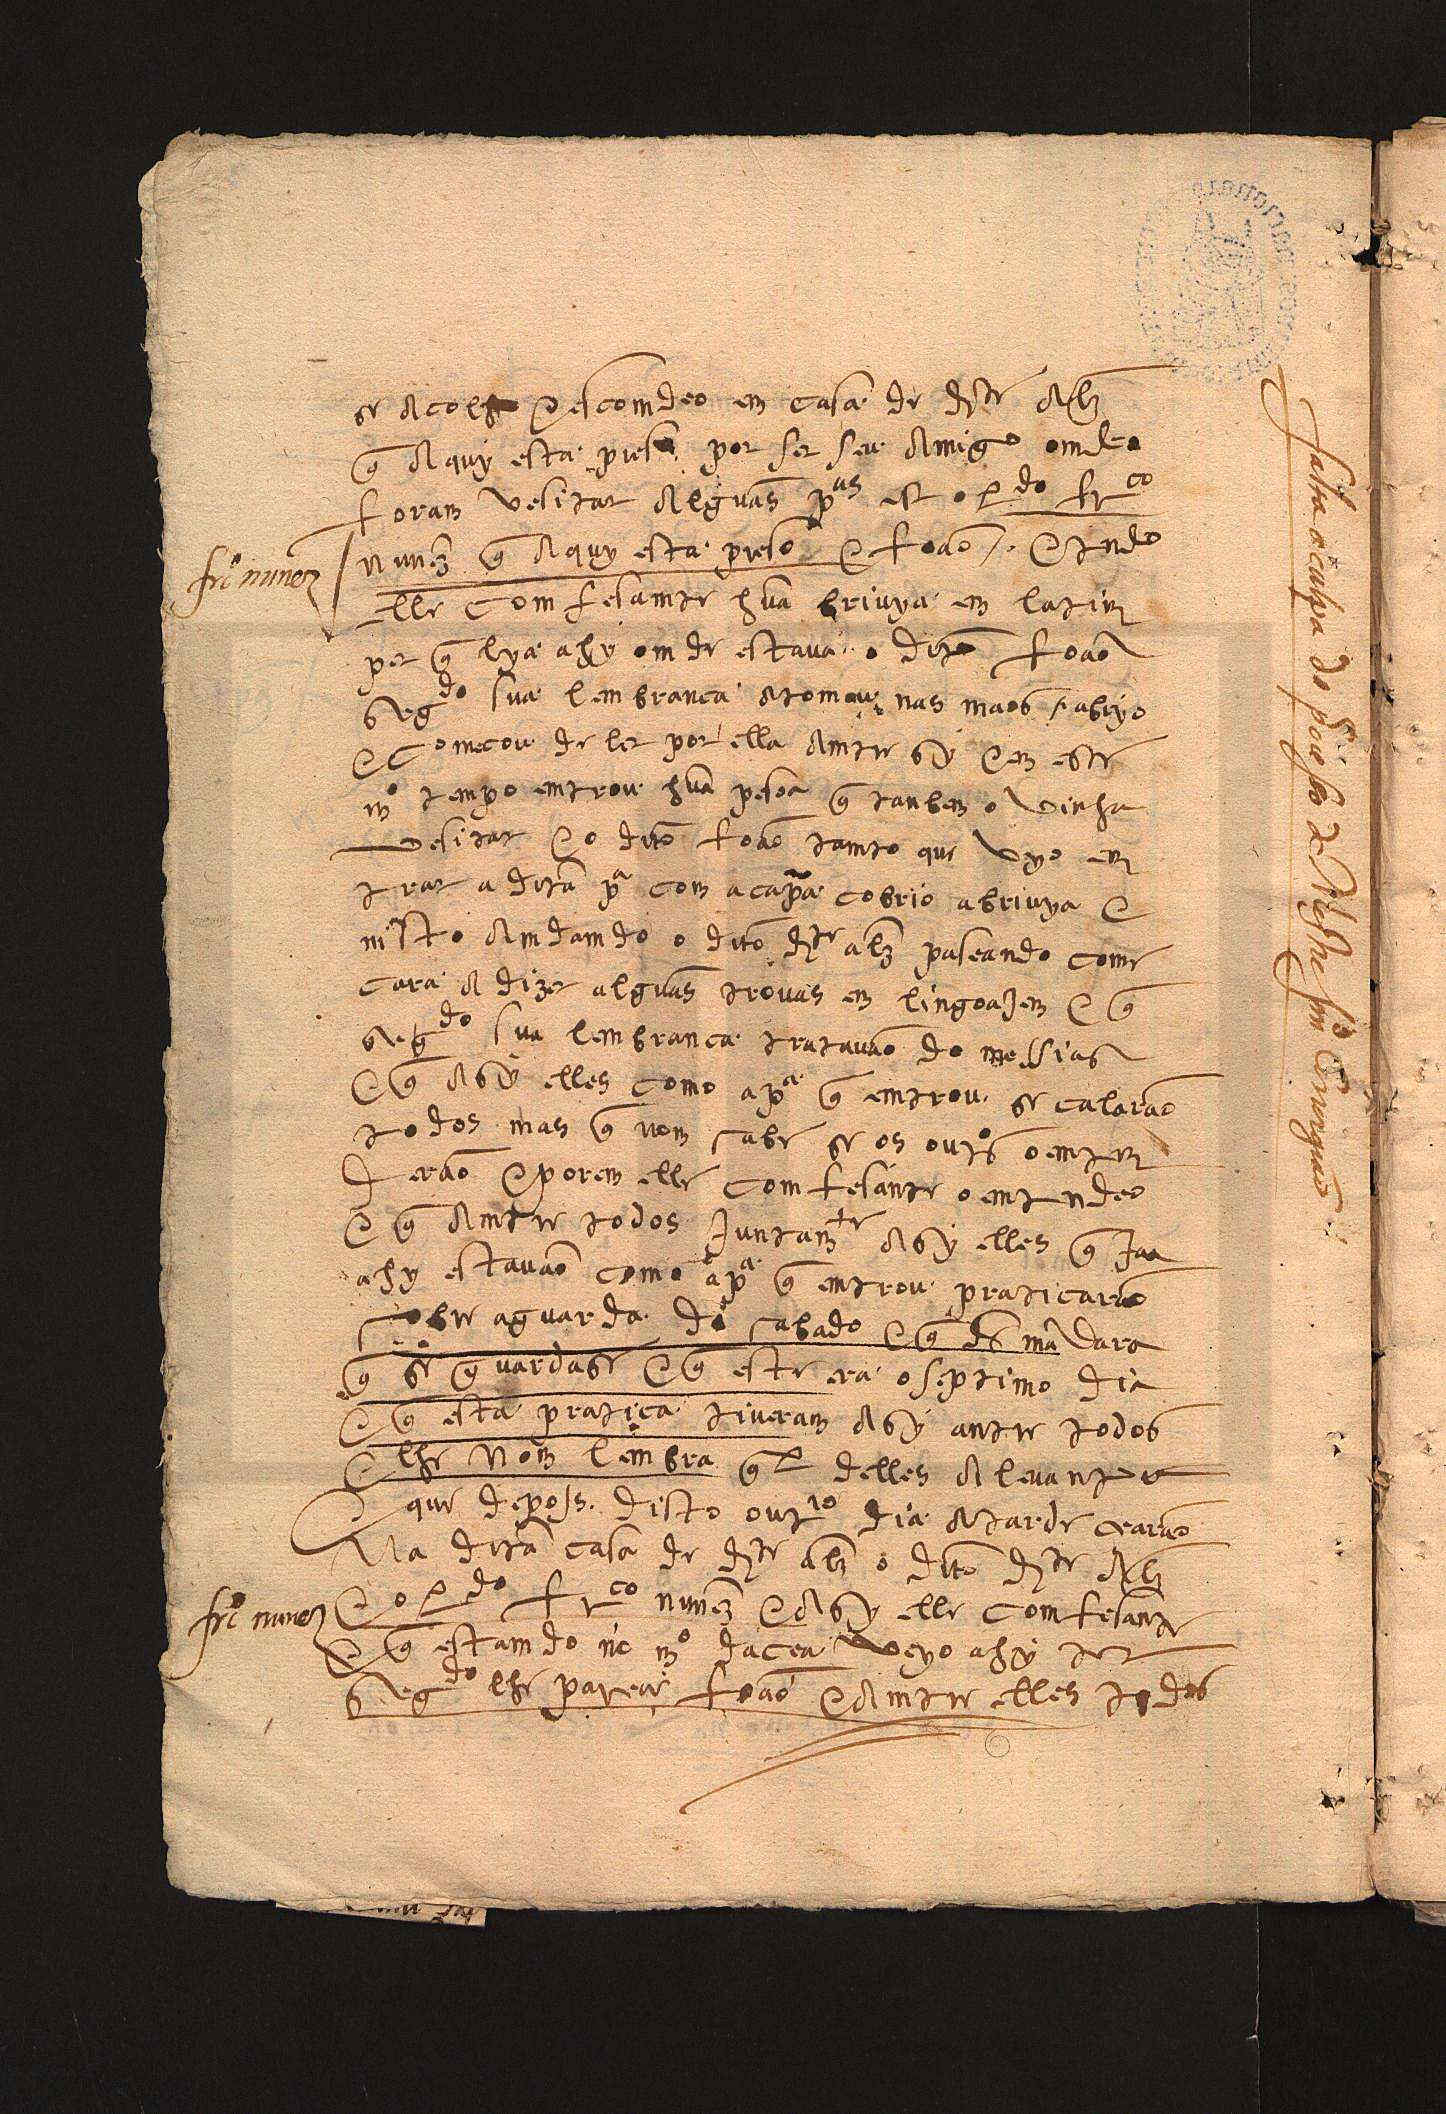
frco nunez
frco nunez
se Acolh_ e escomdeo em casa do dito Al̄z
q̄ Aquy esta pres_ por ser seu Amigo omde o
foram vesitar Alguās pas .s. o Ldo frco
nunēz q̄ Aquy esta preso e foaõ /. e tendo
elle comfesamte hūa briuya em latim
per q̄ lya ahy omde estaua o dit̄o foaõ
segdo sua lembranca A tomou nas maõs e abryo
e começou de ler por ella Amtre sy e em este
mo tempo emtrou hūa pesoa q̄ tambem o vinha
vesitar e o dit̄o foão tamto que vyo em
trar a ditā pa com a capa cobrio a briuya e
nisto Amdamdo o ditō drte al̄z paseando come
çara A dizer algūas trouas em lingoajem e q̄
segdo sua lembrança tratauão do messias
e q̄ Asy elles como a pa q̄ emtrou se calarão
todos mas q̄ nom sabe se os outos o emtem
derão e porem elle comfesante o emtendeo
e q̄ Amtre todos Juntamte Asy elles q̄ Jaa
asy estauão como a pa q̄ emtrou praticarão
sobre a guarda do sabado e q̄ ds̄ mādara
q̄ se guardase e q̄ este era o septimo dia
e q̄ esta pratica tiueram Asy antre todos
e lhe nom lembra q̄l delles Aleuantou
e que depojs disto outro dia A tarde cearão
na ditā casa de drte al̄z o dit̄o drte Al̄z
e o Ldo frco nun̄ez e Asy elle comfesante
e q̄ estamdo no mo da çea veyo asy ter
segdo lhe pareçe foão e Amtre elles todos
